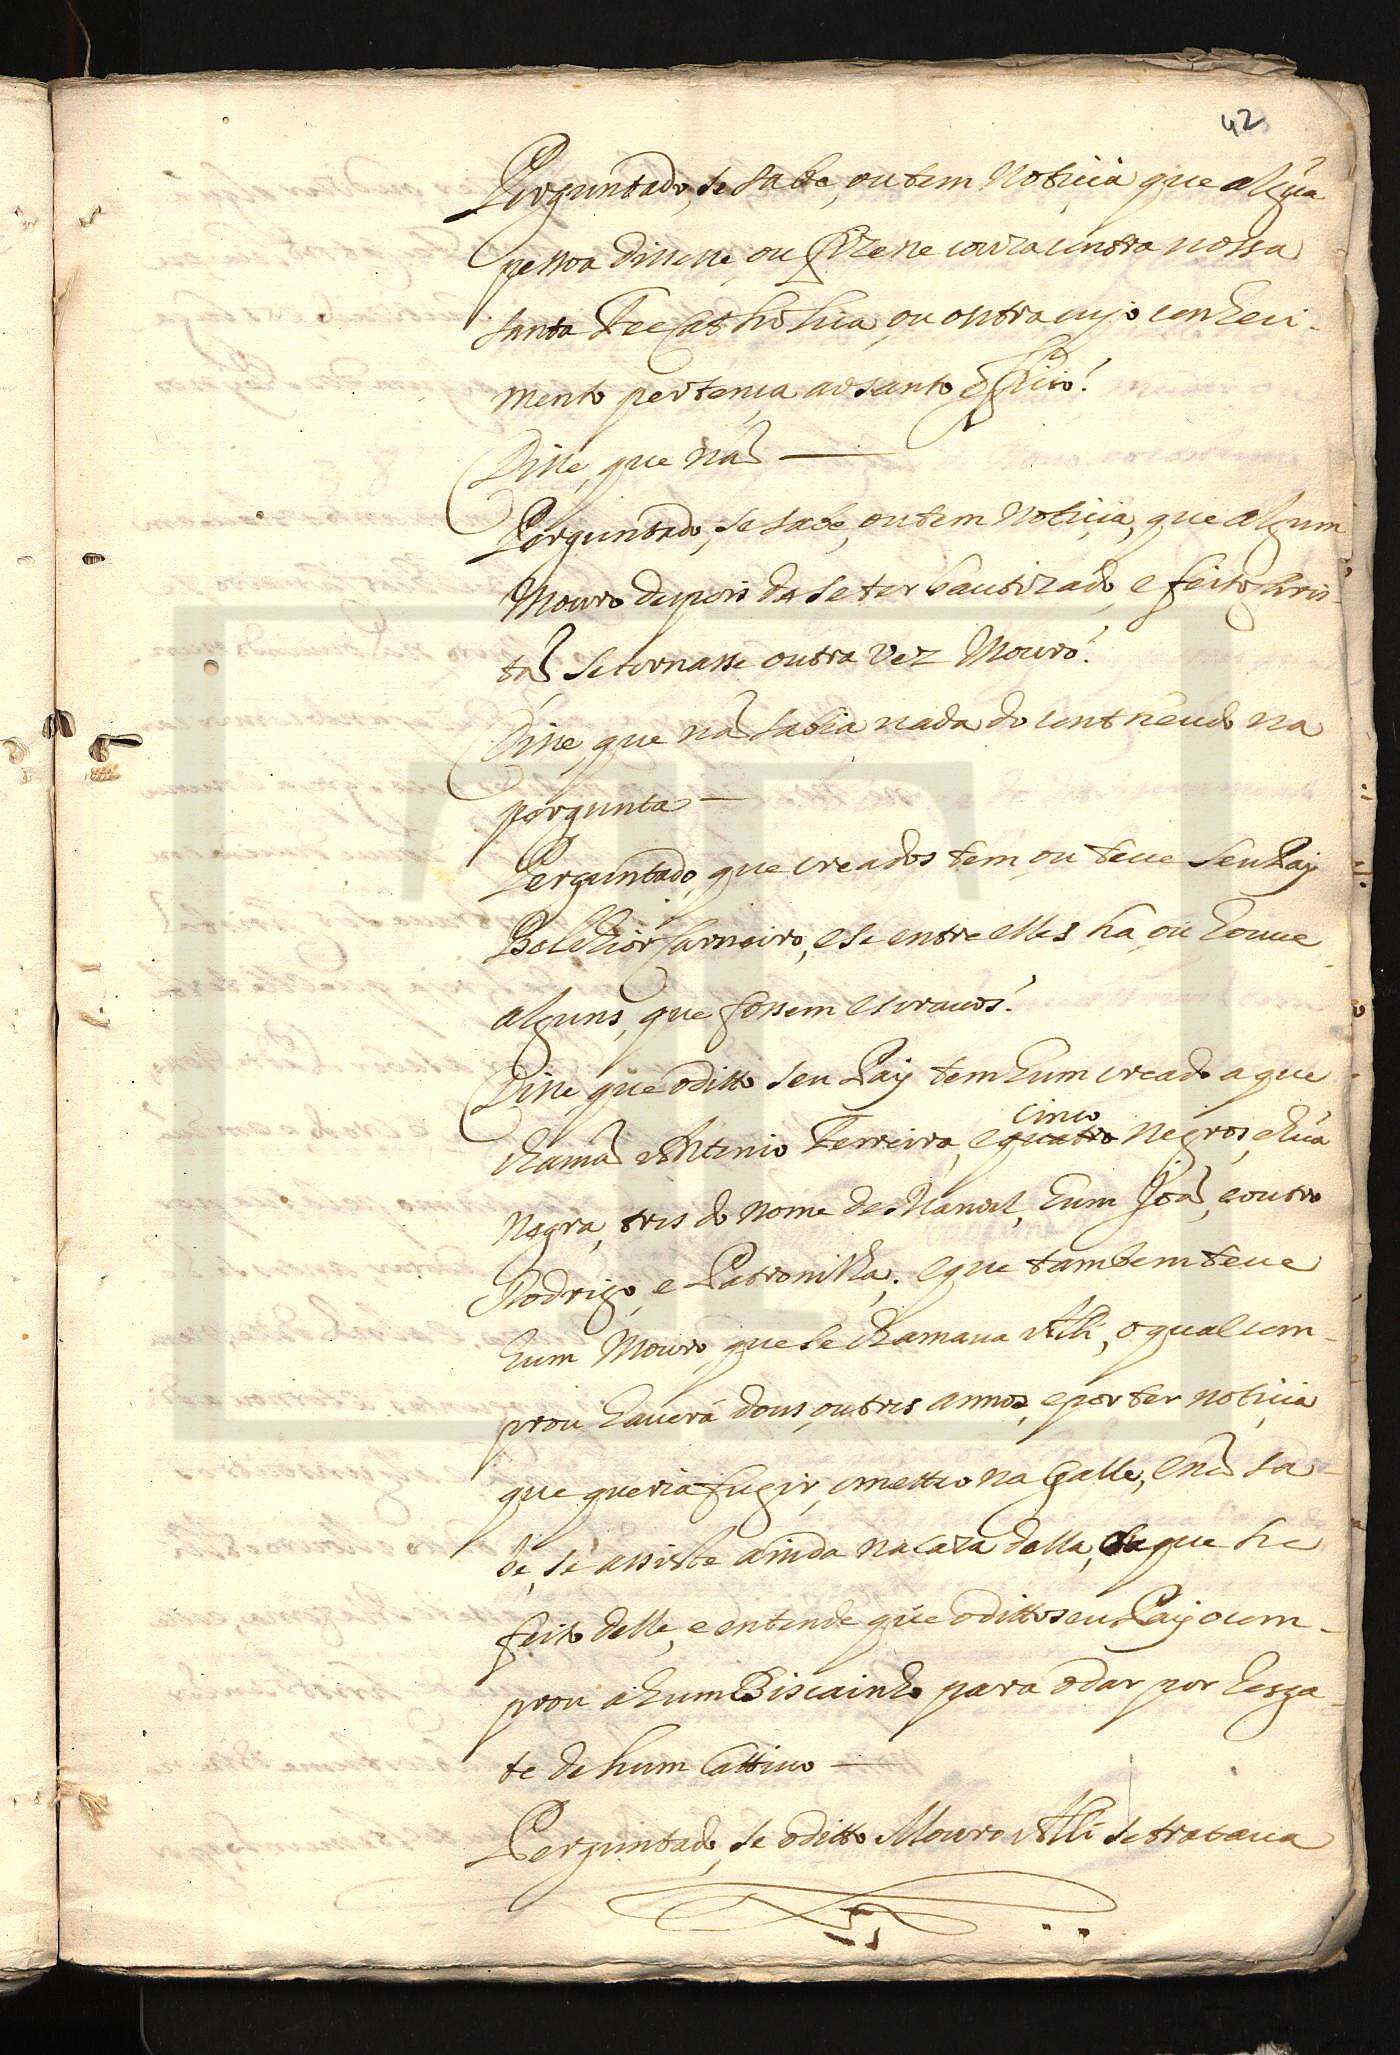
Perguntado, se sabe, ou tem notiçia que algūa
pessoa dissesse, ou fizesse couza contra nossa
Santa Fee Catholica, ou outra cujo conheci
mento pertença ao santo Officio?
Disse, que naõ
Perguntado, se sabe, ou tem notiçia, que algum
Mouro despois de se ter bautizado, e feito Chris
taõ, se tornasse outra vez Mouro?
Disse, que naõ sabia nada do contheudo na
pergunta ‑
Perguntado, que creados tem, ou teue Seu Pay
BeLchior Carneiro, e se entre elles ha, ou houue
alguns, que fossem escrauos?
Disse, que o ditto seu Pay tem hum creado a que
chamaõ Antonio Ferreira, e quatro
cinco
negros, e huā
negra, tres do nome de Manoel, hum Joaõ, e outro
Rodrigo, e Petronilha, e que tambem teue
hum Mouro, que se chama Alli, o qual com
prou hauerá dous, ou tres annos, e por ter notiçia
que queria fugir, o metteo na Galle, e naõ sa
be, se assiste ainda na caza della, ou que he
feito delle, e entende que o ditto seu Pay o com
prou a hum Biscainho para o dar por Resga
te de hum Cattiuo
Perguntado, se o ditto Mouro Alli se trataua
